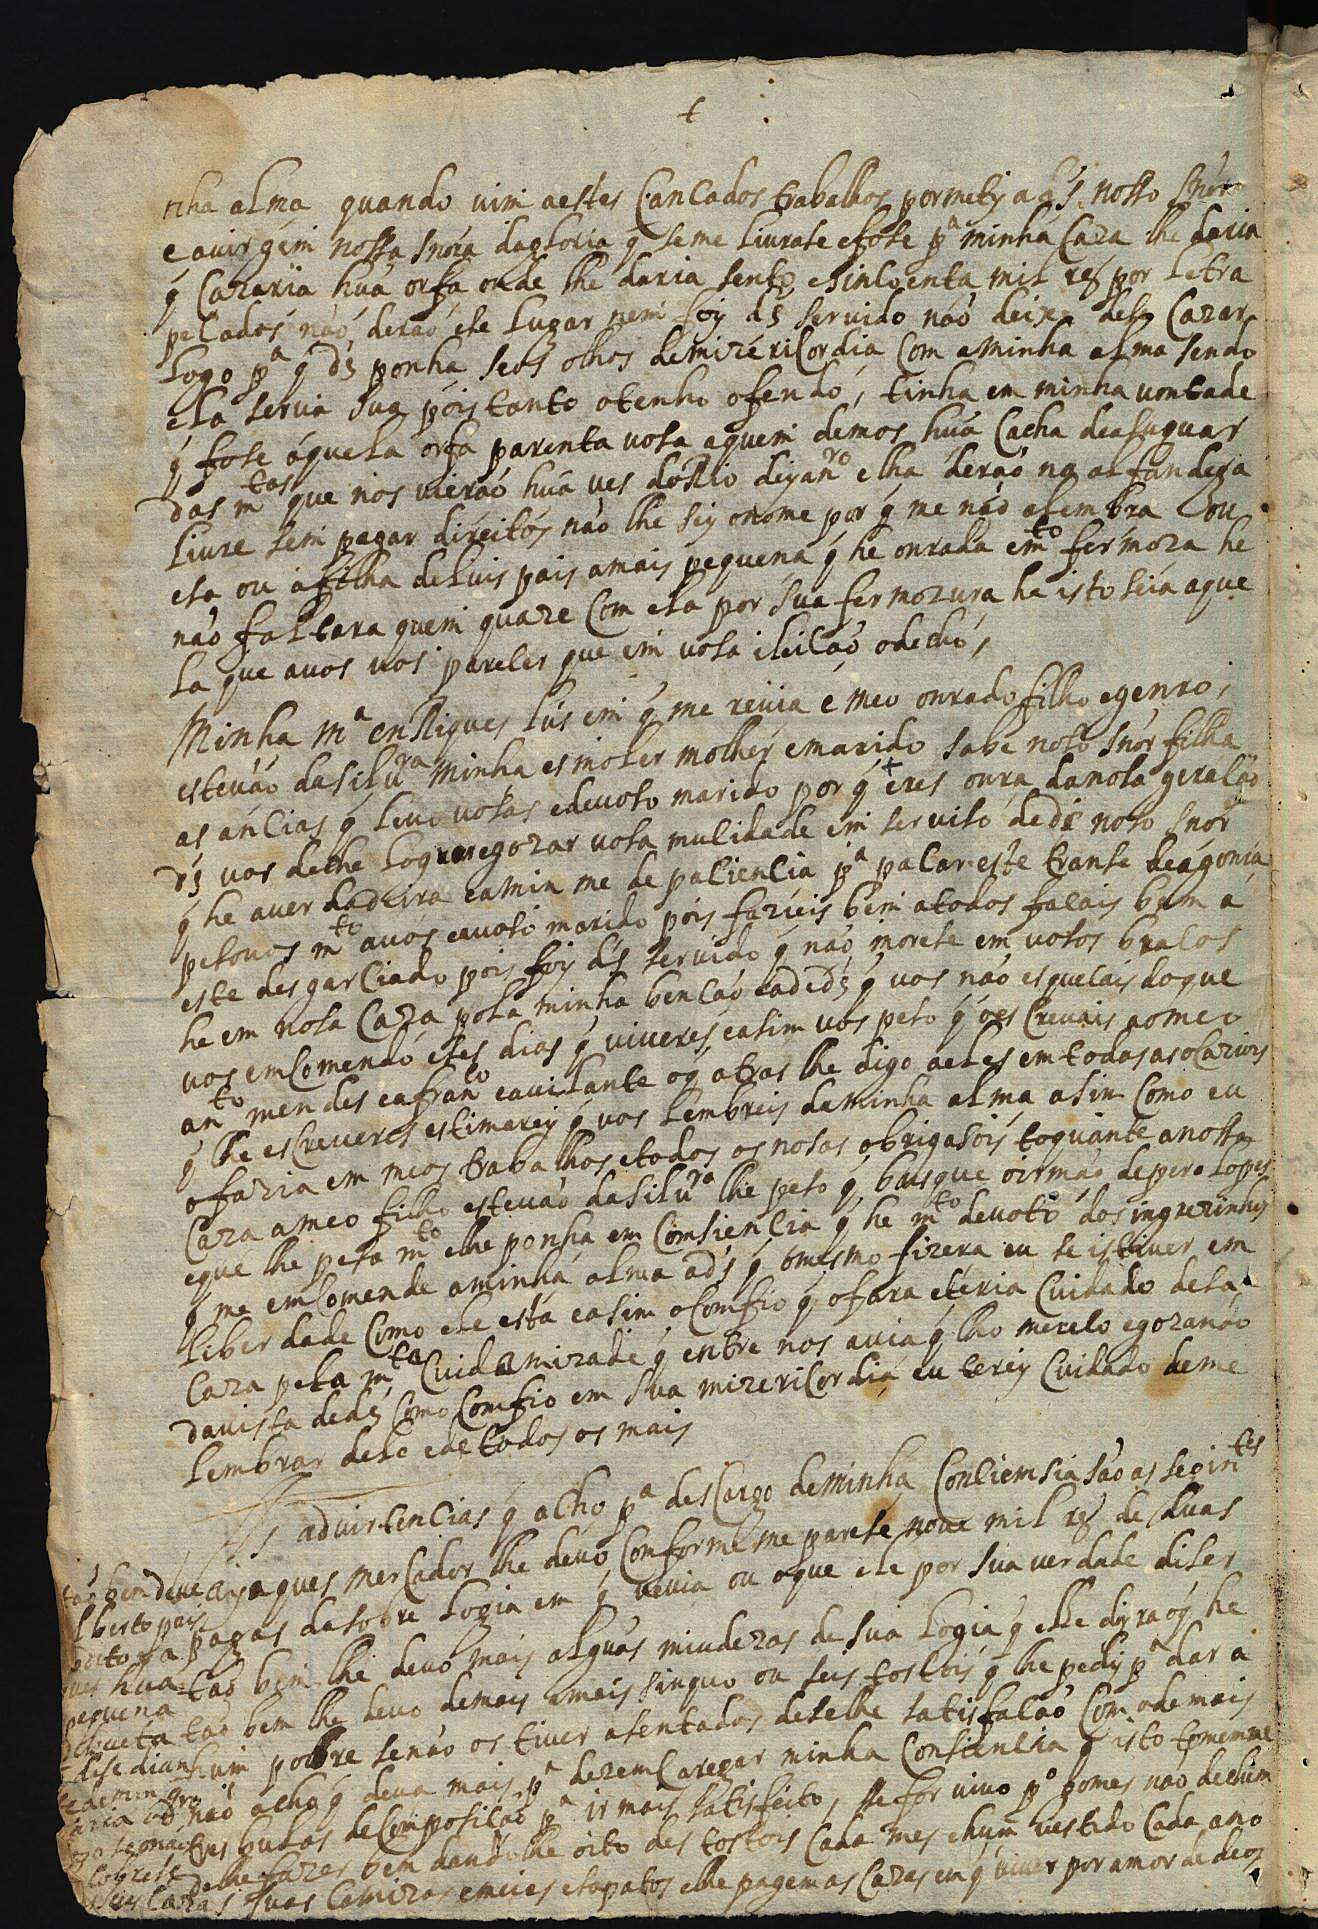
nha aLma, quando uim a estes CanCados trabalhos pormety a ds̄ nosso snōr
e a uirgem nossa snorā da gLoria q̄ se me Liurase e fose pa minha Caza lhe daria
q̄ Cazaria huā orfa onde lhe daria sento e sinCoenta mil rs̄ por Letra
peCados naõ derão ele Lugar nem foy d̄s seruido naõ deixe de se Cazar
Logo pa q̄ ds̄ ponha seos olhos de mizériCordia com a minha aLma sendo
eLa serua sua pois tanto o tenho ofendo, tinha em minha uontade
q̄ fose áquela orfa parenta uosa a quem demos huā Cacha de aLuguar
das mtas que nos uieraõ huā ues do Rio de yanro e lha deraõ na aLfandega
Liure sem pagar direitos naõ lhe sey o nome por q̄ me não alembra ou
esa ou a filha de Luis pais a mais pequena q̄ he onrada e mto fermoza he
naõ faLtara quem quaze Com eLa por sua fermozura ha isto seia aque
La que a uos uos pareCer que em uosa iLeiCaõ o decho /
Minha ma enRiques Lus em q̄ me reuia e meo onrado filho e genro,
esteuaõ da siLura minha esmoLer molher e marido sabe noso Snōr filha
as áncias q̄ Leua uosas e de uoso marido porq̄ + cres onra da nosa geraCaõ
ds̄ uos deche Lograr e gozar uosa muCidade em seruiso de ds̄ noso snor̄
q̄ he a uerdadeira e a min me de paCienCia pa paCar este transe de agonia
pelo uos mto a uos e a uoso marido pois fazíeis bem a todos facais bem á
este desgarCiado pois foy ds̄ seruido q̄ naõ morese em uosos bracos
he em nosa Caza pola minha benCaõ e a de d̄s q̄ uos naõ esquecais do que
uos emComendo eses dias q̄ uiueres, e asim uos peso q̄ o esCreuais ao meo
anto mendes e a franco e a uiLante o q̄ atras lhe digo a eLes em todas as oCaziois
q̄ lhe esCreueres estimarey q̄ uos Lembreis da minha aLma asim Como eu
o fazia em meos trabalhos e todos os nosos obrigasois toquante a nossa
Caza a meo filho esteuaõ da Silura lhe peso q̄ busque o irmaõ de pero Lopes
e que lhe pesa mto e lhe ponha em ComsienÇia q̄ he mto deuoto dos ingrezinhos
q̄ me emComende a minha aLma a ds̄ q̄ o mesmo fizera ou se istiuer em
Liberdade Como ele está e asim o Comfio q̄ o fara e teria Cuidado dela
Caza pela mta Cuidamizade q̄ entre nos auia q̄ lho mereCo e gozando
da uista de ds̄ Como Comfio em sua mizeriCordia eu terey Cuidado de me
Lembrar deLe e de todos os mais
As aduirtenCias q̄ aCho pa desCargo de minha ConCiemsia saõ as segintes
a yaques merCador lhe deuo Comforme me parese noue mil rs̄ de duas
pagas da sobreLogia em q̄ ueuia ou o que eLe por sua uerdade diser
taõ bem lhe deuo mais aLguās miudezas de sua Logia q̄ eLLe deyxa o q̄ he
taõ bem lhe deuo demais a mais sinquo ou seis tostois q̄ lhe pedy pa dar a
hum pobre se não os tiuer asentados deselhe satisfaCaõ Com o demais
naõ acho q̄ deua mais pa dezemCaregar minha Consiencia q̄ isto tomemme
tres buLas de ComposiÇaõ pa ir mais satisfeito, sse for uiuo po gomes naõ dechem
de lhe fazer bem dandolhe oito des tostois Cada mes e hum uestido cada ano
suas camizas e meias e sapatos e lhe pagem as Cazas em q̄ uiuer por amor de deos
taõ bem deue
_Lberto pais
__to _a
ues hua
pequena
_ de baeta
dise dian
te de min q̄
azia em dro
_o se o não
cobrese
suas cazas
